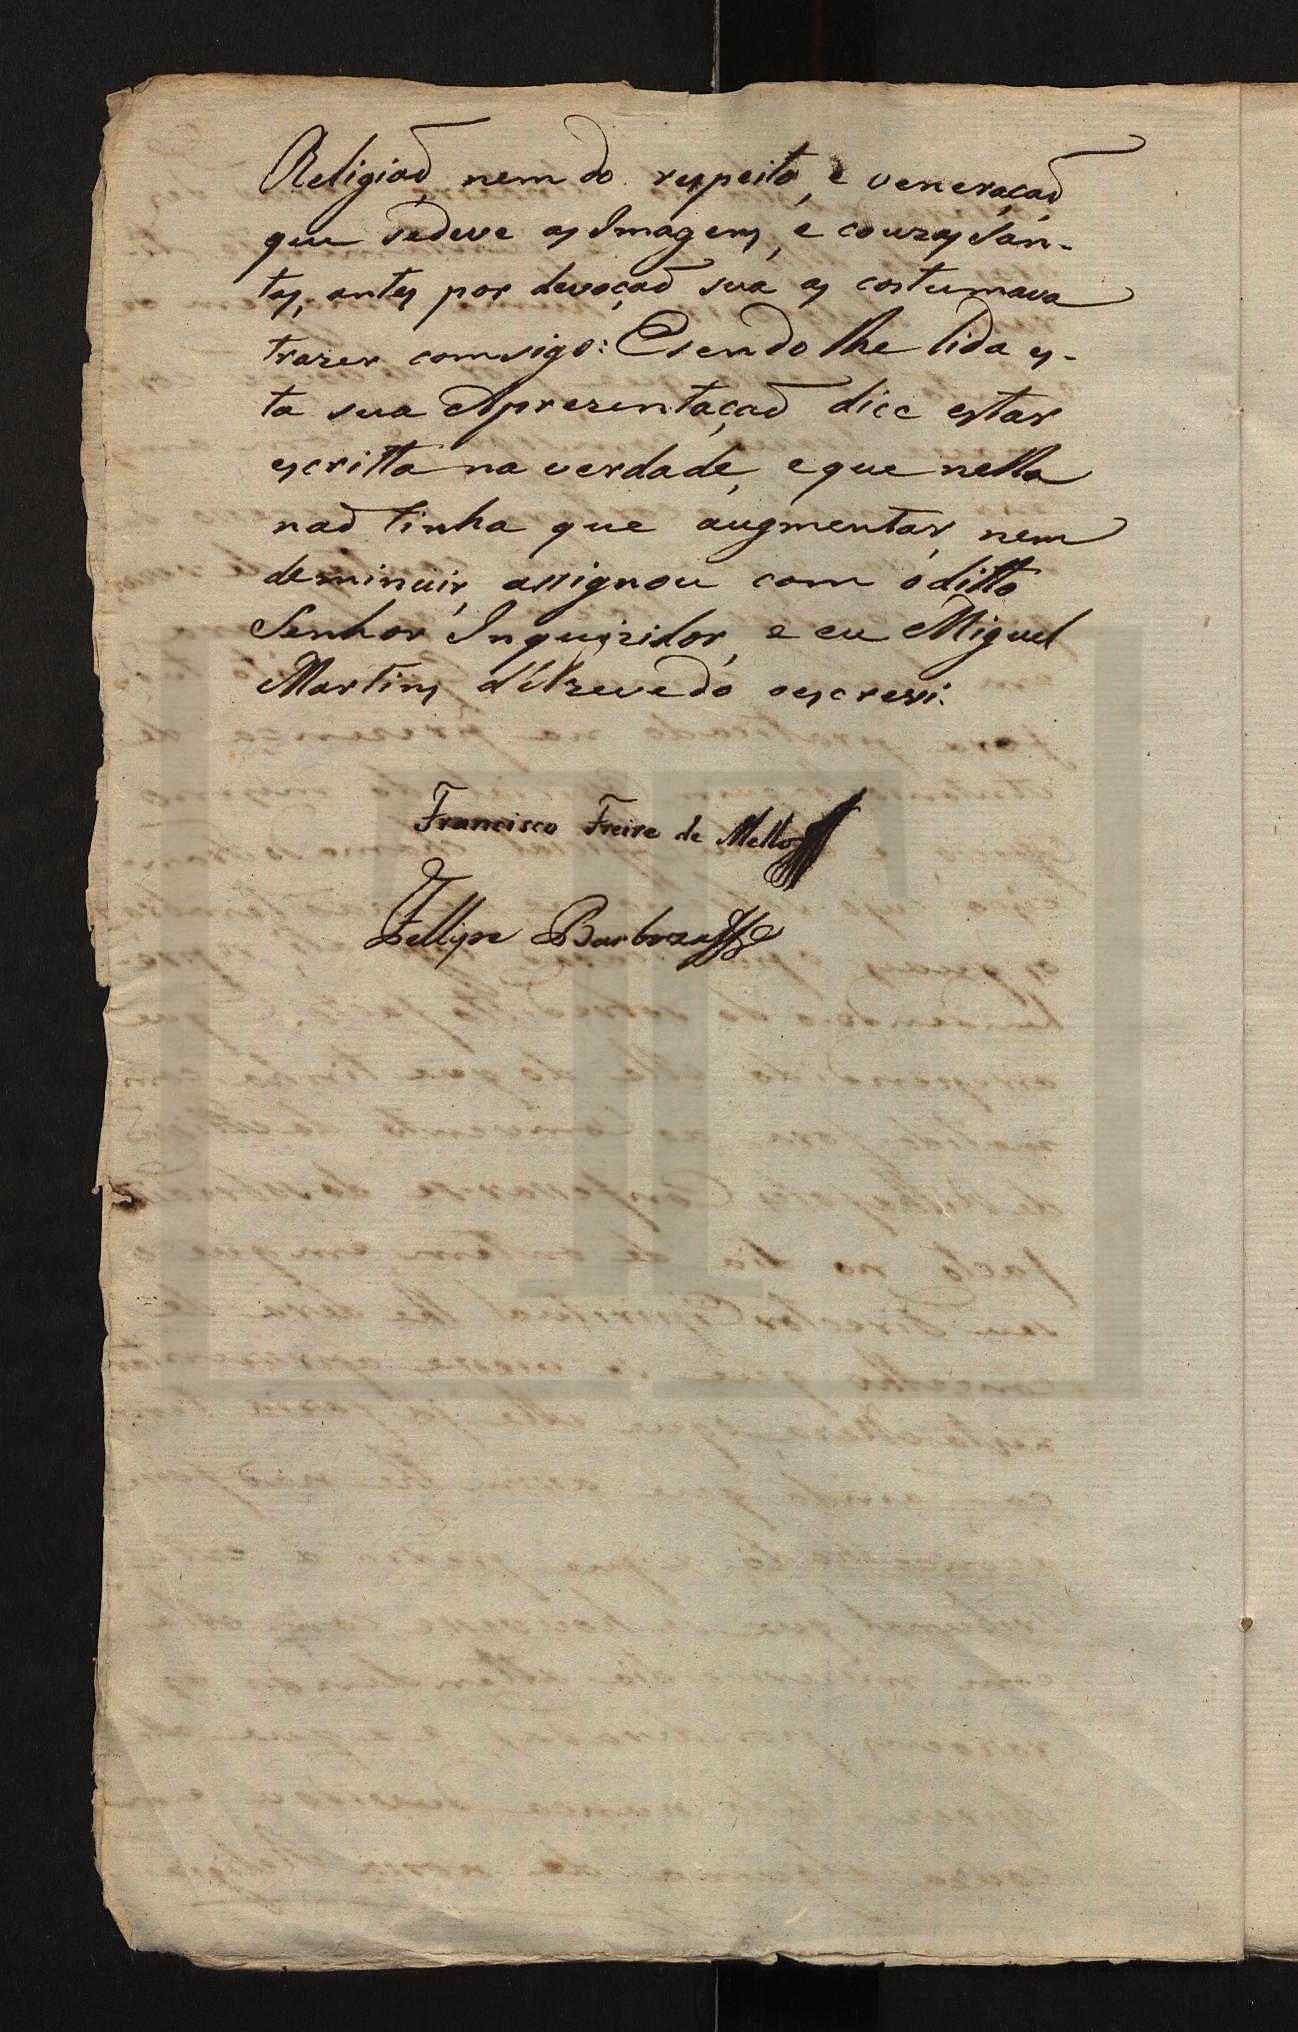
Religiaõ nem do respeito, e veneraçaõ,
que se deve as Imagens, e couzas San
tas, antes por devoçaõ sua as costumava
trazer comsigo: E sendo lhe lida es
ta sua Apresentaçaõ dice estar
escritta na verdade, e que nella
naõ tinha que augmentar, nem
deminuir, assignou com o ditto
Senhor Inquizidor, e eu Miguel
Martins d'Azevedo o escrevi.
